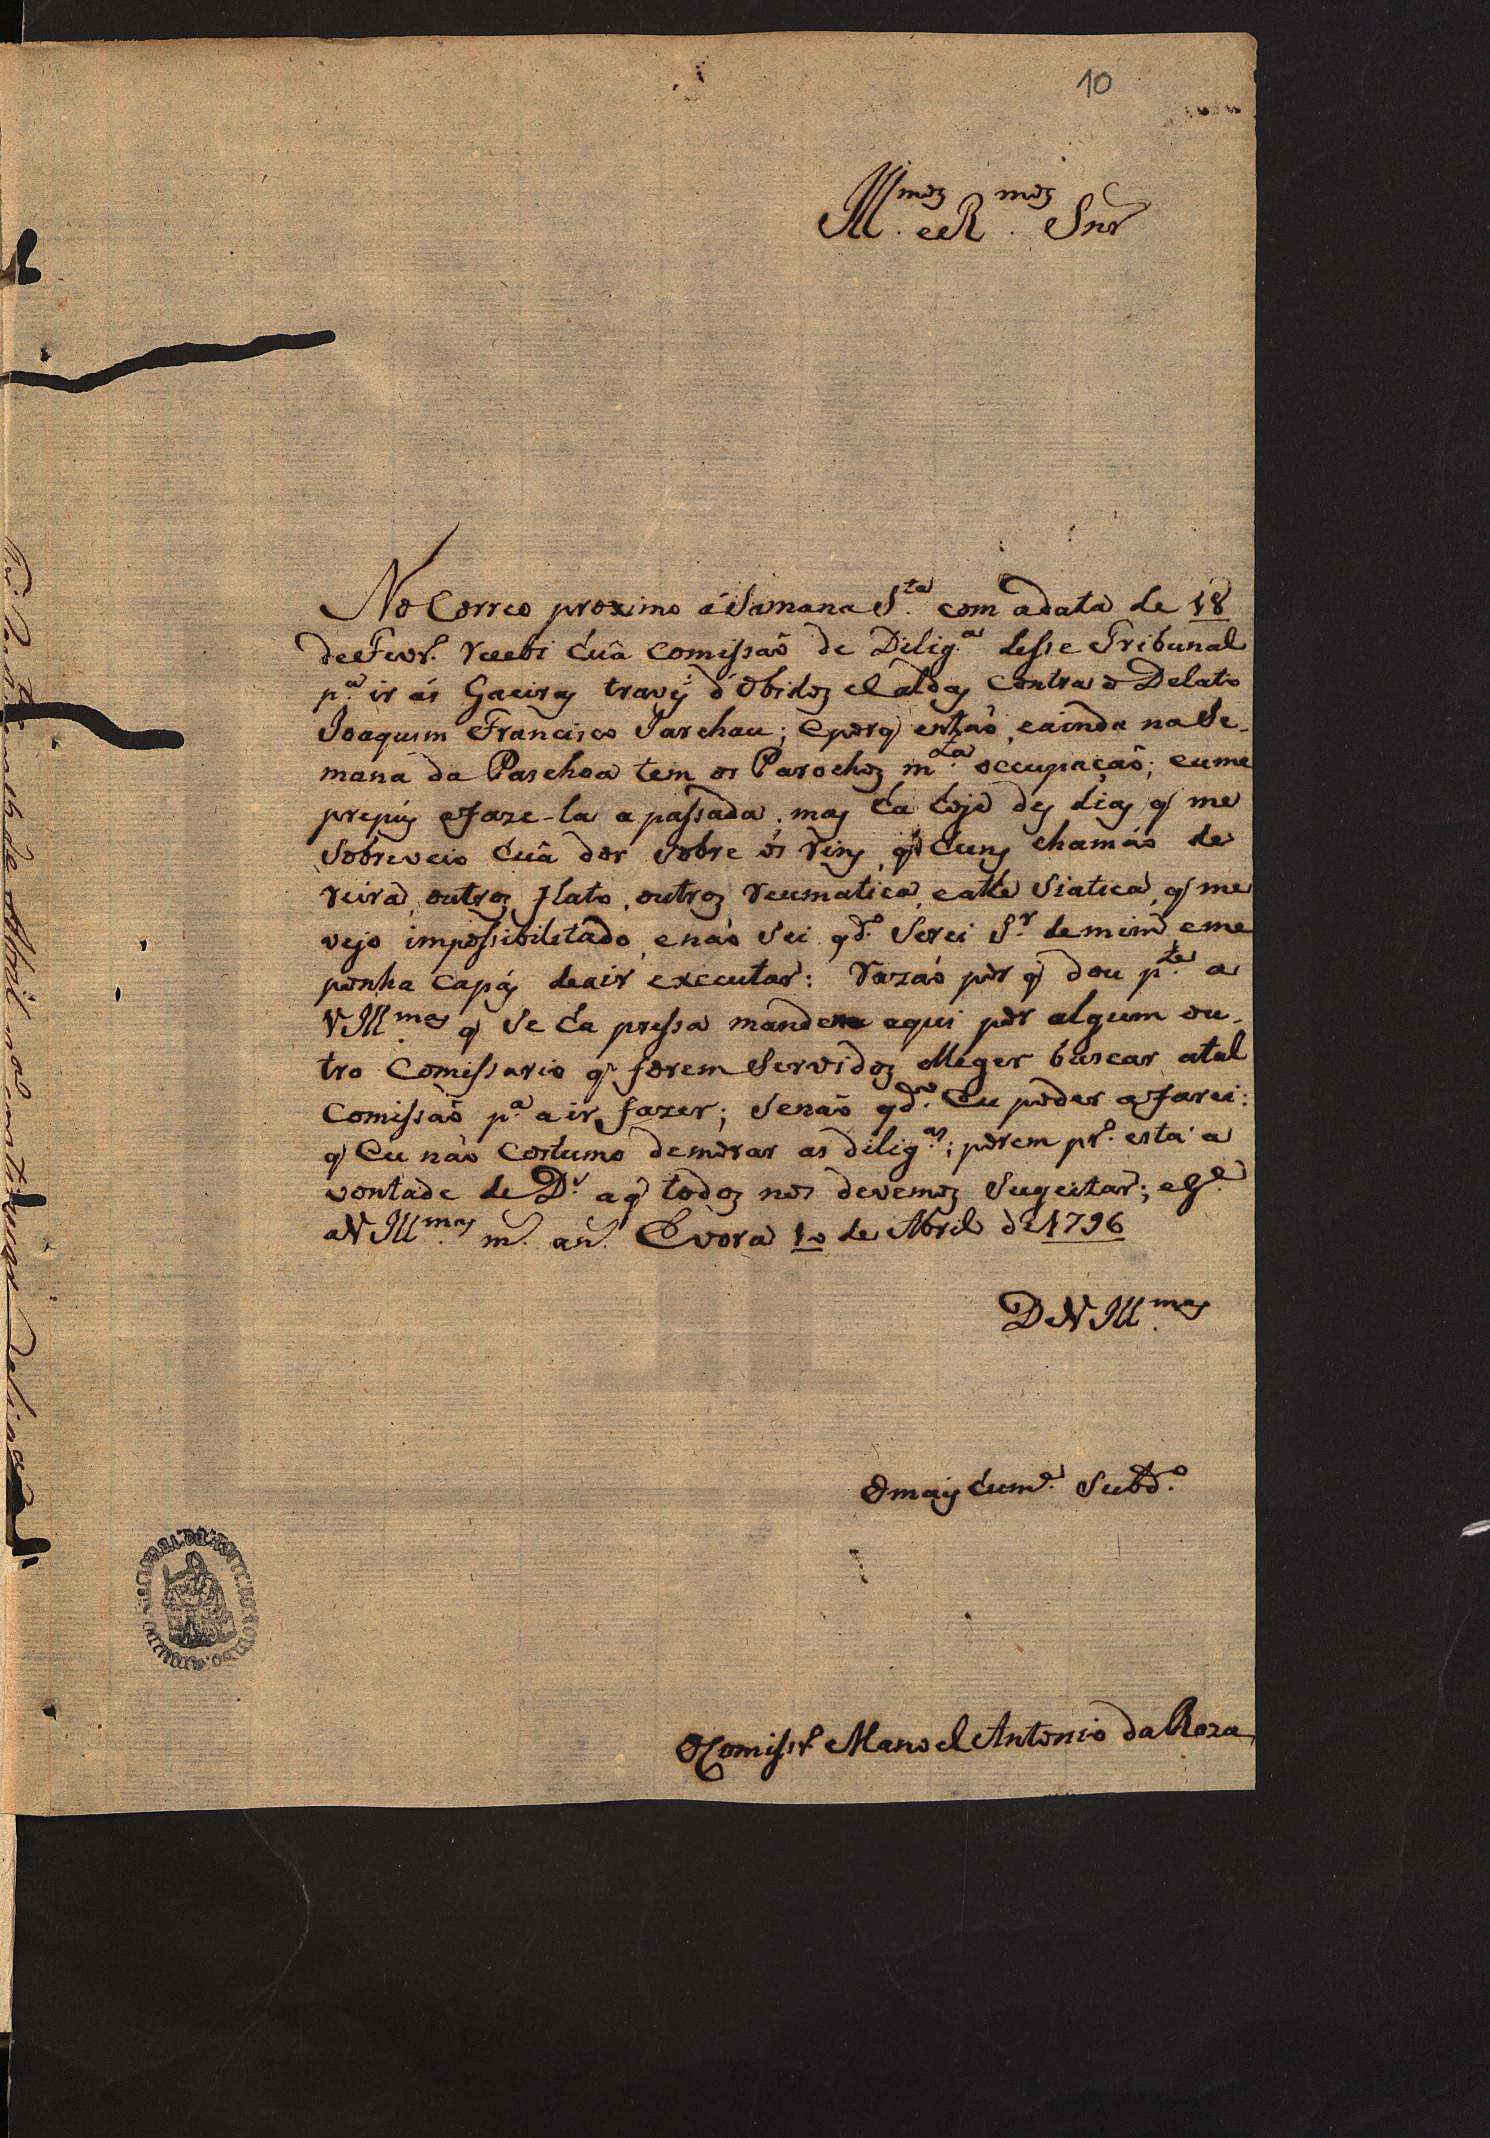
Ill.mos e R.mos Snr.es
No Correo proximo á Samana S.ta com a data de 18
de Fevr.o recebi huā comissaõ de Dilig.as desse Tribunal
p.a ir ás Gaeiras través d'Obidos e Caldas contra o Delato
Ioaquim Francisco Iarchau; e porq̄ entaõ, e ainda na Se
mana da Paschoa tem os Parochos m.ta occupaçaõ; eu me
prepus a faze-la a passada; mas ha hoje des dias q̄ me
sobreveio huā dor sobre os rins, q̄ huns chamaõ de
reira, outros flato outros reumatica, e athe siatica, q̄ me
vejo impossibilitado, e naõ sei qd.o Serei S.r de mim e me
ponha capás de a ir executar: razaõ porq̄ dou p.te a
V Ill.mas q̄ se ha pressa mandem aqui por algum ou
tro Comissario q̄ forem servidos elleger buscar a tal
comissaõ p.a a ir fazer; senaõ qd.o Eu poder a farei:
q̄ Eu naõ costumo demorar as dilig.as; porem pr.o está a
vontade de D.s a q̄ todos nos devemos sugeitar; e G.e
a V Ill.mas m̄. an.s Evora 10 de Abril de 1796
De V. Illmas
O mais hum.e Subd.o
O Comissr.o Manoel Antonio da Roza
